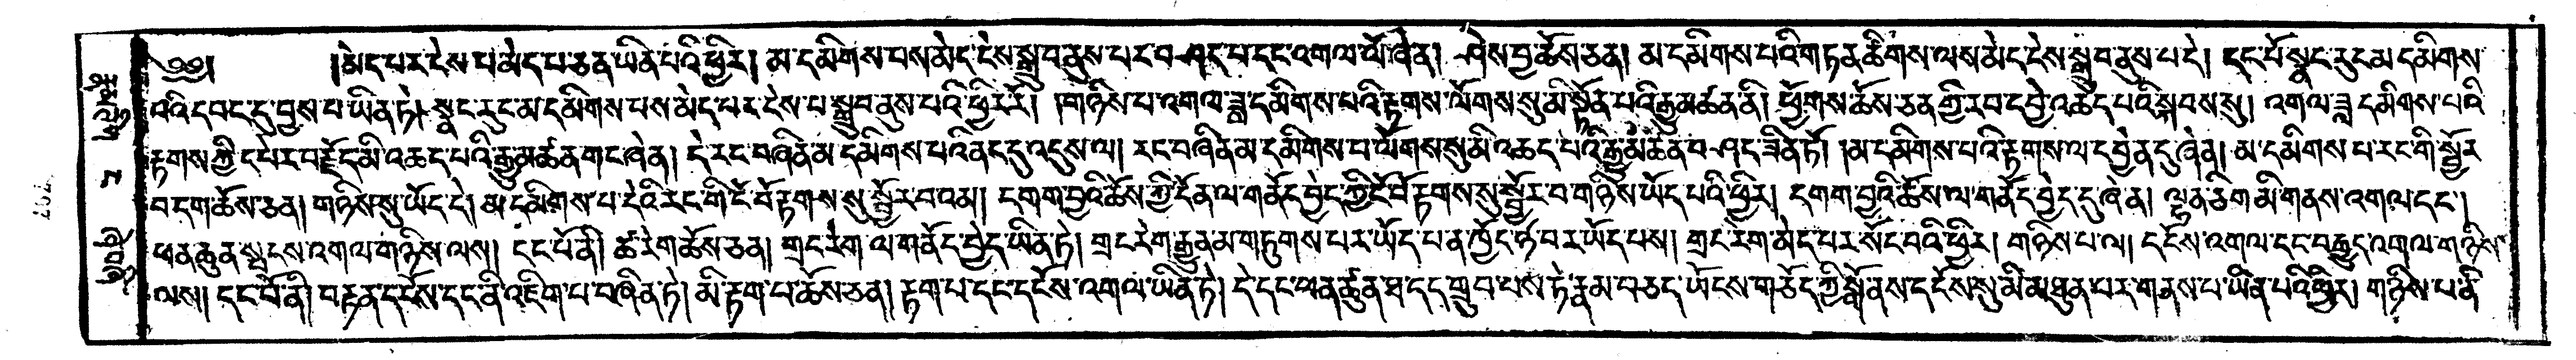༄༅། །མེད་པར་ངེས་པ་མེད་པ་ཅན་ཡིན་པའི་ཕྱིར། མ་དམིགས་པས་མེད་ངེས་སྒྲུབ་ནུས་པར་བཤད་པ་དང་འགལ་ལོ་ཞེ་ན། ཤེས་བྱ་ཆོས་ཅན། མ་དམིགས་པའི་གཏན་ཚིགས་ལས་མེད་ངེས་སྒྲུབ་ནུས་པ་དེ། དང་པོ་སྣང་རུང་མ་དམིགས་
བའི་དབང་དུ་བྱས་པ་ཡིན་ཏེ། སྣང་རུང་མ་དམིགས་པས་མེད་པར་ངེས་པ་སྒྲུབ་ནུས་པའི་ཕྱིར་རོ། །གཉིས་པ་འགལ་ཟླ་དམིགས་པའི་རྟགས་ལོགས་སུ་མི་སྟོན་པའི་རྒྱུ་མཚན་ནི། ཕྱོགས་ཆོས་ཅན་གྱི་རབ་དབྱེ་འཆད་པའི་སྐབས་སུ། འགལ་ཟླ་དམིགས་པའི་
རྟགས་ཀྱི་དཔེར་བརྗོད་མི་འཆད་པའི་རྒྱུ་མཚན་གང་ཞེ་ན། དེ་རང་བཞིན་མ་དམིགས་པའི་ནང་དུ་འདུས་ལ། རང་བཞིན་མ་དམིགས་པ་ལོགས་སུ་མི་འཆད་པའི་རྒྱུ་མཚན་བཤད་ཟིན་ཏོ། །མ་དམིགས་པའི་རྟགས་ལ་དབྱེན་དུ་ཞེ་ན། མ་དམིགས་པ་རང་གི་སྦྱོར་
བདག་ཆོས་ཅན། གཉིས་སུ་ཡོད་དེ། མ་དམིགས་པ་དེའི་རང་གི་ངོ་བོ་རྟགས་སུ་སྦྱོར་བའམ། དགག་བྱའི་ཆོས་ཀྱི་དོན་ལ་གནོད་བྱེད་ཀྱི་ངོ་བོ་རྟགས་སུ་སྦྱོར་བ་གཉིས་ཡོད་པའི་ཕྱིར། དགག་བྱའི་ཆོས་ལ་གནོད་བྱེད་དུ་ཞེ་ན། ལྷན་ཅིག་མི་གནས་འགལ་དང་།
ཕན་ཆུན་སྤངས་འགལ་གཉིས་ལས། དང་པོ་ནི། ཚ་རེག་ཆོས་ཅན། གྲང་རེག་ལ་གནོད་བྱེད་ཡིན་ཏེ། གྲང་རེག་རྒྱུན་མ་གཏུགས་པར་ཡོད་པ་ན་ཁྱོད་ཉ་བར་ཡོད་པས། གྲང་རེག་མེད་པར་སོང་བའི་ཕྱིར། གཉིས་པ་ལ། དངོས་འགལ་དང་བརྒྱུད་འགལ་གཉིས་
ལས། དང་པོ་ནི། བརྟན་དངོས་དང་ནི་འཇིག་པ་བཞིན་ཏེ། མི་རྟག་པ་ཆོས་ཅན། རྟག་པ་དང་དངོས་འགལ་ཡིན་ཏེ། དེ་དང་ཕན་ཚུན་ཐ་དད་གྲུབ་པས་ཏེ་རྣམ་བཅད་ཡོངས་གཅོད་ཀྱི་སྒོ་ནས་དངོས་སུ་མི་མཐུན་པར་གནས་པ་ཡིན་པའི་ཕྱིར། གཉིས་པ་ནི་